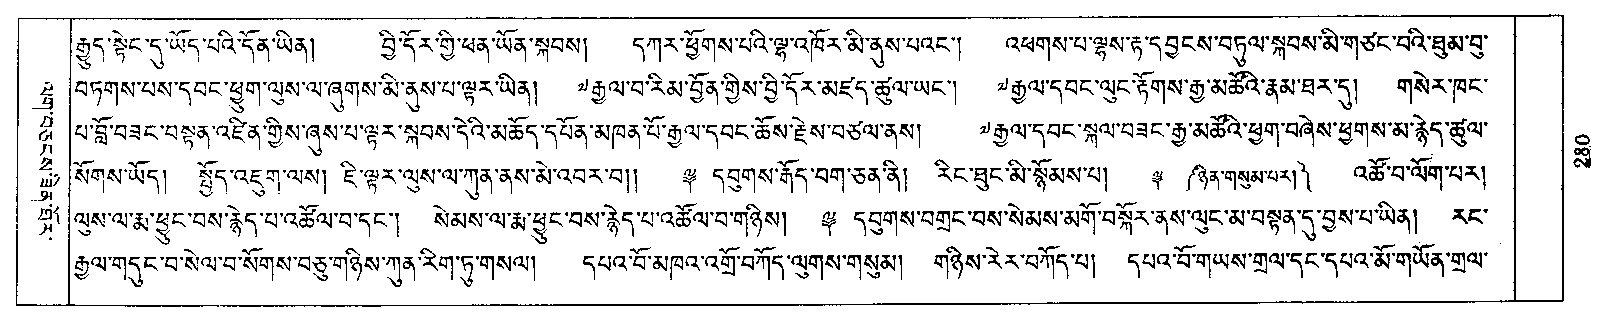རྒྱུད་སྟེང་དུ་ཡོད་པའི་དོན་ཡིན། བྱི་དོར་གྱི་ཕན་ཡོན་སྐབས། དཀར་ཕྱོགས་པའི་ལྷ་འཁོར་མི་ནུས་པའང་། འཕགས་པ་ལྷས་རྟ་དབྱངས་བཏུལ་སྐབས་མི་གཙང་བའི་ཐུམ་བུ་
བཏགས་པས་དབང་ཕྱུག་ལུས་ལ་ཞུགས་མི་ནུས་པ་ལྟར་ཡིན། ༧་རྒྱལ་བ་རིམ་བྱོན་གྱིས་བྱི་དོར་མཛད་ཚུལ་ཡང་། ༧་རྒྱལ་དབང་ལུང་རྟོགས་རྒྱ་མཚོའི་རྣམ་ཐར་དུ། གསེར་ཁང་
པ་བློ་བཟང་བསྟན་འཛིན་གྱིས་ཞུས་པ་ལྟར་སྐབས་དེའི་མཆོད་དཔོན་མཁན་པོ་རྒྱལ་དབང་ཆོས་རྗེས་བཙལ་ནས། ༧་རྒྱལ་དབང་སྐལ་བཟང་རྒྱ་མཚོའི་ཕྱག་བཞེས་ཕྱགས་མ་རྙེད་ཚུལ་
སོགས་ཡོད། སྤྱོད་འཇུག་ལས། ཇི་ལྟར་ལུས་ལ་ཀུན་ནས་མེ་འབར་བ།། ༈ དབུགས་རྒོད་བག་ཅན་ནི། རིང་ཐུང་མི་སྙོམས་པ། ༈ ཉིན་གསུམ་པར།?་འཚོ་བ་ལོག་པར།
ལུས་ལ་རྨ་ཕྱུང་བས་རྙེད་པ་འཚོལ་བ་དང་། སེམས་ལ་རྨ་ཕྱུང་བས་རྙེད་པ་འཚོལ་བ་གཉིས། ༈ དབུགས་བགྲང་བས་སེམས་མགོ་བསྐོར་ནས་ལུང་མ་བསྟན་དུ་བྱས་པ་ཡིན། རང་
རྒྱལ་གདུང་བ་སེལ་བ་སོགས་བཅུ་གཉིས་ཀུན་རིག་ཏུ་གསལ། དཔའ་བོ་མཁའ་འགྲོ་བཀོད་ལུགས་གསུམ། གཉིས་རེར་བཀོད་པ། དཔའ་བོ་གཡས་གྲལ་དང་དཔའ་མོ་གཡོན་གྲལ་